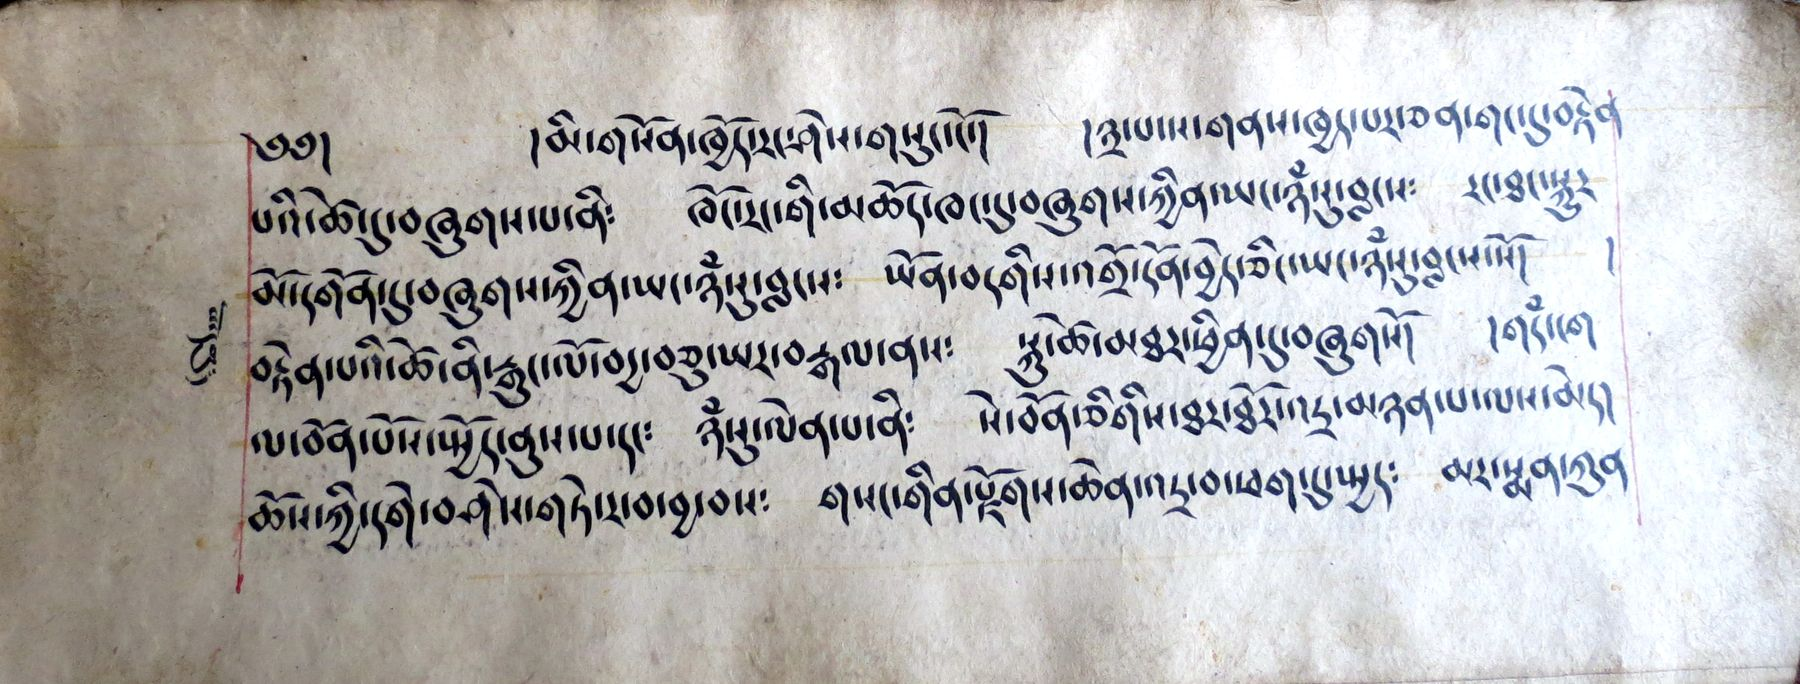མི་གསོན་ཁྱོད་རང་ཤེས་གསུངས་སོ། གསུམ་པ་ས་གནས་ཁྱད་པར་ཅན་གང་དུ་བརྟེན་
པའི་ཚེ་དུ་བཞུགས་པ་ནི། ཁོང་རང་གི་མཆོད་ཁང་དུ་བཞུགས་ཀྱིན་ཡང་ཉམས་སུ་བླངས། རང་ཐང་སྐྱུར་
མོའི་དགོན་པར་བཞུགས་ཀྱིན་ཡང་ཉམས་སུ་བླངས། ཡོན་བདག་གིས་འགྲོ་དོན་བྱེད་ཀྱིན་ཡང་ཉམས་སུ་བླངས་སོ། །
བརྟེན་པའི་ཚེ་ནི་དགུང་ལོ་བརྒྱད་ཅུ་ཡར་བརྒལ་ནས། སྐུ་ཚེ་མཐར་ཕྱིན་དུ་བཞུགས་སོ། །གདམས་ངག་
ལ་བོན་པོས་སྤྱོད་ནུས་པ་དང་། ཉམས་སུ་ལེན་པ་ནི་སེ་བོན་ཅིག་གིས་ཐར་ཐོར་འདྲ་མཉན་པ་ལས་མེད། 
ཆོས་ཀྱི་དགེ་བཤེས་ཏེ་ར་བ་བྱ་བས་གསང་གིན་རྫོགས་ཆེན་འདྲ་བ་ཕག་ཏུ་སྤྱད། མར་སྨན་ཀུན་